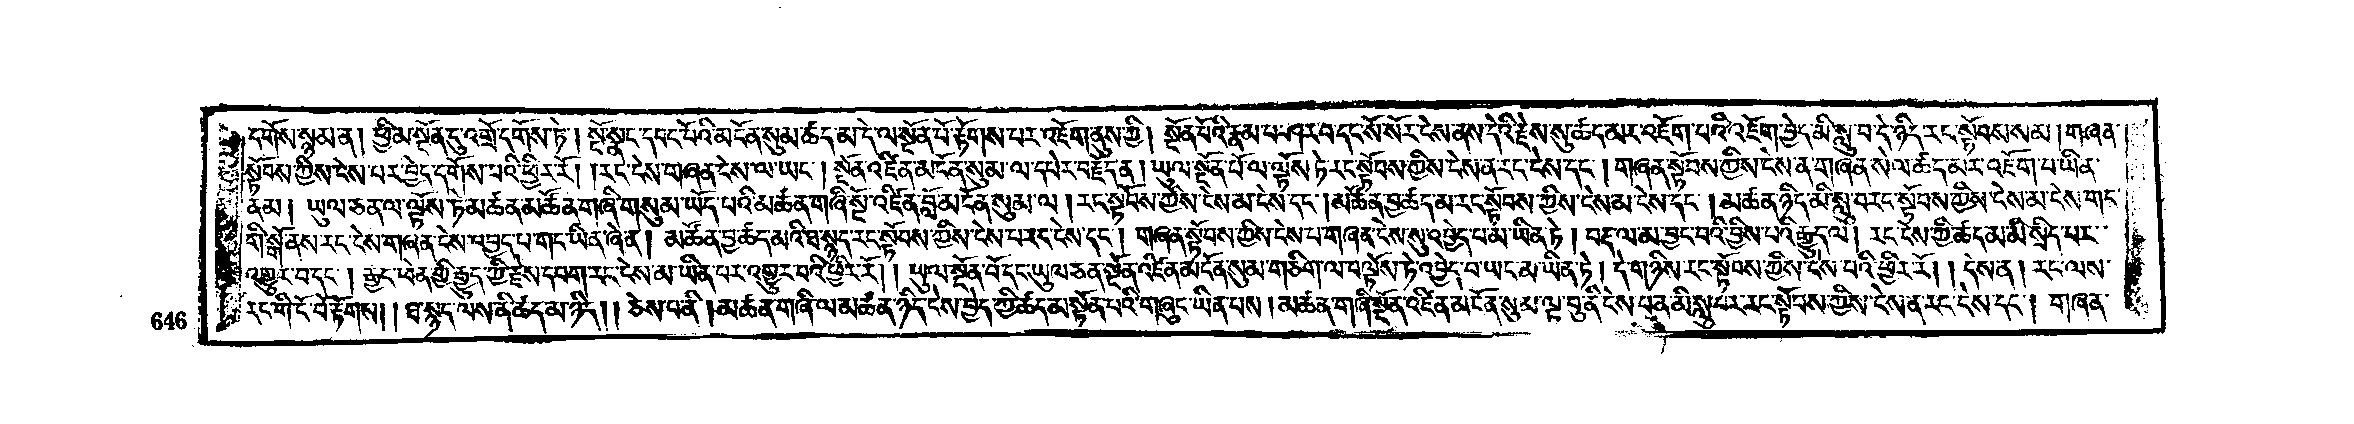དགོས་སྙམ་ན། ཕྱི་མ་སྔོན་དུ་འགྲོ་དགོས་ཏེ། སྔོ་སྣང་དབང་པོའི་མངོན་སུམ་ཚད་མ་དེ་ལ་སྔོན་པོ་རྟོགས་པར་འཇོག་ནུས་ཀྱི། སྔོན་པོའི་རྣམ་པ་ཤར་བ་དང་སོ་སོར་ངེས་ནས་དེའི་རྗེས་སུ་ཚད་མར་འཇོག་པའི་འཇོག་བྱེད་མི་སླུ་བ་དེ་ཉིད་རང་སྟོབས་སམ། གཞན་
སྟོབས་ཀྱིས་ངེས་པར་བྱེད་དགོས་པའི་ཕྱིར། །རང་ངེས་གཞན་ངེས་ལ་ཡང་། སྔོན་འཛིན་མངོན་སུམ་ལ་དཔེར་བརྗོད་ན། ཡུལ་སྔོན་པོ་ལ་ལྟོས་ཏེ་རང་སྟོབས་ཀྱིས་ངེས་ན་རང་ངེས་དང་། གཞན་སྟོབས་ཀྱིས་ངེས་ན་གཞན་སེལ་ཚད་མར་འཇོག་པ་ཡིན་
ནམ། ཡུལ་ཅན་ལ་ལྟོས་ཏེ་མཚན་མཚོན་གཞི་གསུམ་ཡོད་པའི་མཚན་གཞི་སྔོ་འཛིན་བློ་མངོན་སུམ་ལ། རང་སྟོབས་ཀྱི་ངེས་མ་ངེས་དང་། མཚོན་བྱ་ཚད་མ་རང་སྟོབས་ཀྱིས་ངེས་མ་ངེས་དང་། མཚན་ཉིད་མི་སླུ་བ་རང་སྟོབས་ཀྱི་ངེས་མ་ངེས་གང་
གི་སྒོ་ནས་རང་ངེས་གཞན་ངེས་འབྱུང་བ་གང་ཡིན་ཞེ་ན། མཚོན་བྱ་ཚད་མའི་ཐ་སྙད་རང་སྟོབས་ཀྱིས་ངེས་པར་ངེས་དང་། གཞན་སྟོབས་ཀྱིས་ངེས་པ་གཞན་ངེས་སུ་འབྱེད་པ་མ་ཡིན་ཏེ། བརྡ་ལ་མ་བྱང་བའི་བྱིས་པའི་རྒྱུད་ལ། རང་ངེས་ཀྱི་ཚད་མ་མི་སྲིད་པར་
འགྱུར་བ་དང་། རྒྱང་འཕེན?་གྱི་རྒྱུད་ཀྱི་རྗེས་དཔག་རང་ངེས་མ་ཡིན་པར་འགྱུར་བའི་ཕྱིར་རོ། །ཡུལ་སྔོན་པོ་དང་ཡུལ་ཅན་སྔོན་འཛིན་མངོན་སུམ་གཅིག་ལ་བལྟོས་ཏེ་འབྱེད་པ་ཡང་མ་ཡིན་ཏེ། དེ་གཉིས་རང་སྟོབས་ཀྱིས་ངེས་པའི་ཕྱིར་རོ། །དེས་ན། རང་ལས་
རང་གི་ངོ་བོ་རྟོགས། །ཐ་སྙད་ལས་ནི་ཚད་མ་ཉིད། །ཅེས་པ་ནི། མཚན་གཞི་ལ་མཚན་ཉིད་ངེས་བྱེད་ཀྱི་ཚད་མ་སྟོན་པའི་གཞུང་ཡིན་པས། མཚན་གཞི་སྔོན་འཛིན་མངོན་སུམ་ལྟ་བུ་ནི་ངེས་པ་ན་མི་སླུ་བར་རང་སྟོབས་ཀྱིས་ངེས་ན་རང་ངེས་དང་། གཞན་